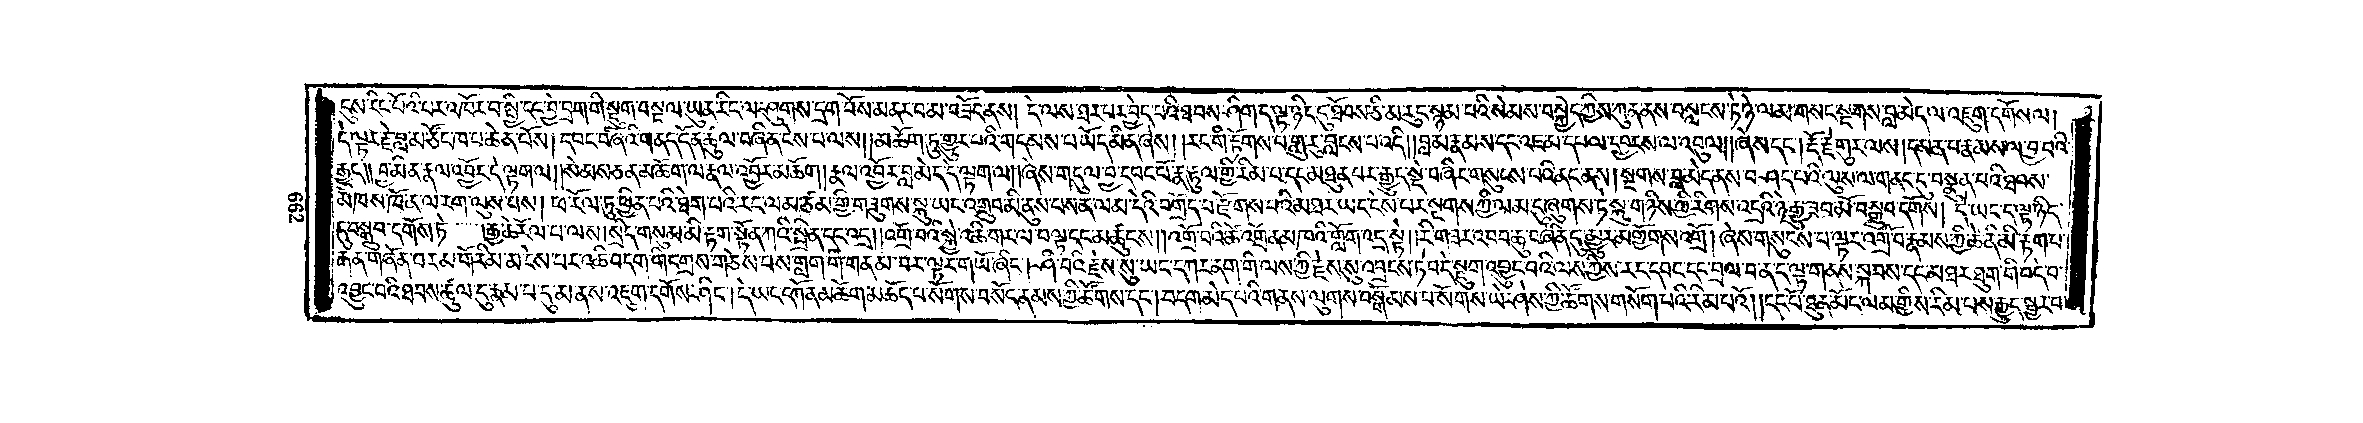དུས་རིང་པོའི་པར་འཁོར་བ་སྤྱི་དང་བྱེ་བྲག་གི་སྡུག་བསྔལ་ཡུན་རིང་ལ་ཤུགས་དྲག་པོས་མནར་བ་མ་བཟོད་ནས། དེ་ལས་ཐར་པར་བྱེད་པའི་ཐབས་ཤིག་ད་ལྟ་ཉིད་དུ་ཐོབས་ཅི་མ་རུང་སྙམ་པའི་སེམས་བསྐྱེད་ཀྱིས་ཀུན་ནས་བསླངས་ཏེ་ཉེ་ལམ་གསང་སྔགས་བླ་མེད་ལ་འཇུག་དགོས་ལ།
དེ་ལྟར་རྗེ་བླ་མ་ཙོང་ཁ་པ་ཆེན་པོས། དབང་བཞིའི་གནད་དོན་ཚུལ་བཞིན་ངེས་པ་ལས། །མཆོག་ཏུ་གྱུར་པའི་གདམས་པ་ཡོད་མིན་ཞེས། །རང་གི་རྟོགས་པ་གླུ་རུ་བླངས་པ་འདི། །བླ་མ་རྣམས་དང་འཇམ་དཔལ་དབྱངས་ལ་འབུལ། །ཞེས་དང་། རྡོ་རྗེ་གུར་ལས། དམན་པ་རྣམས་ལ་བྱ་བའི་
རྒྱུད། །བྱ་མིན་རྣལ་འབྱོར་དེ་ལྟག་ལ། །སེམས་ཅན་མཆོག་ལ་རྣལ་འབྱོར་མཆོག །རྣལ་འབྱོར་བླ་མེད་དེ་ལྟག་ལ། །ཞེས་གདུལ་བྱ་དབང་པོ་རྣ་རྟུལ་གྱི་རིམ་པ་དང་མཐུན་པར་རྒྱུད་སྡེ་བཞིར་གསུངས་པའི་ནང་ནས། སྔགས་བླ་མེད་ནས་བཤད་པའི་ལུས་ལ་གནད་དུ་བསྣུན་པའི་ཐབས་
མཁས་ཁོ་ན་ལ་རག་ལུས་པས། ཕ་རོལ་ཏུ་ཕྱིན་པའི་ཐེག་པའི་རང་ལམ་ཙམ་གྱི་གཟུགས་སྐུ་ཡང་འགྲུབ་མི་ནུས་པས་ན་ལམ་དེའི་བགྲོད་པ་རྫོགས་པའི་མཐར་ཡང་ངེས་པར་སྔགས་ཀྱི་ལམ་དུ་ཞུགས་ཏེ་སྐུ་གཉིས་ཀྱི་རིགས་འདྲའི་ཉེ་རྒྱུ་ཟབ་མོ་བསྒྲུབ་དགོས། དེ་ཡང་ད་ལྟ་ཉིད་
དུ་བསྒྲུབ་དགོས་ཏེ། རྒྱ་ཆེ་རོལ་པ་ལས། སྲིད་གསུམ་མི་རྟག་སྟོན་ཀའི་སྤྲིན་དང་འདྲ། །འགྲོ་བའི་སྐྱེ་འཆི་གར་ལ་བལྟ་དང་མཚུངས། །འགྲོ་བའི་ཚེ་འགྲོ་ནམ་མཁའི་གློག་འདྲ་སྟེ། །རི་གཟར་འབབ་ཆུ་བཞིན་དུ་མྱུར་མགྱོགས་འགྲོ་།ཞེས་གསུངས་པ་ལྟར་འགྲོ་བ་རྣམས་ཀྱི་ཚེ་ནི་མི་རྟག་པ་
རྒན་གཞོན་བར་མ་གོ་རིམ་མ་ངེས་པར་འཆི་བདག་གི་དགྲས་གཅེས་པས་གླག་གི་གནམ་པར་ལྟར་གཡོ་ཞིང་། ཤི་བའི་རྗེས་སུ་ཡང་དཀར་ནག་གི་ལས་ཀྱི་རྗེས་སུ་འབྲངས་ཏེ་བདེ་སྡུག་འབྱུང་བའི་ལས་ཀྱིས་རང་དབང་དང་བྲལ་བ་ན་ད་ལྟ་གནས་སྐབས་དང་མཐར་ཐུག་གི་བདེ་བ་
འབྱུང་བའི་ཐབས་ཚུལ་དུ་རྣམ་པ་དུ་མ་ནས་འཇུག་དགོས་ཤིང་། དེ་ཡང་དཀོན་མཆོག་མཆོད་པ་སོགས་བསོད་ནམས་ཀྱི་ཚོགས་དང་། བདག་མེད་པའི་གནས་ལུགས་བསྒོམས་པ་སོགས་ཡེ་ཤེས་ཀྱི་ཚོགས་གསོག་པའི་རིམ་པའོ། །དང་པོ་ཐུན་མོང་ལམ་གྱིས་རིམ་པས་རྒྱུད་སྦྱར་བ་